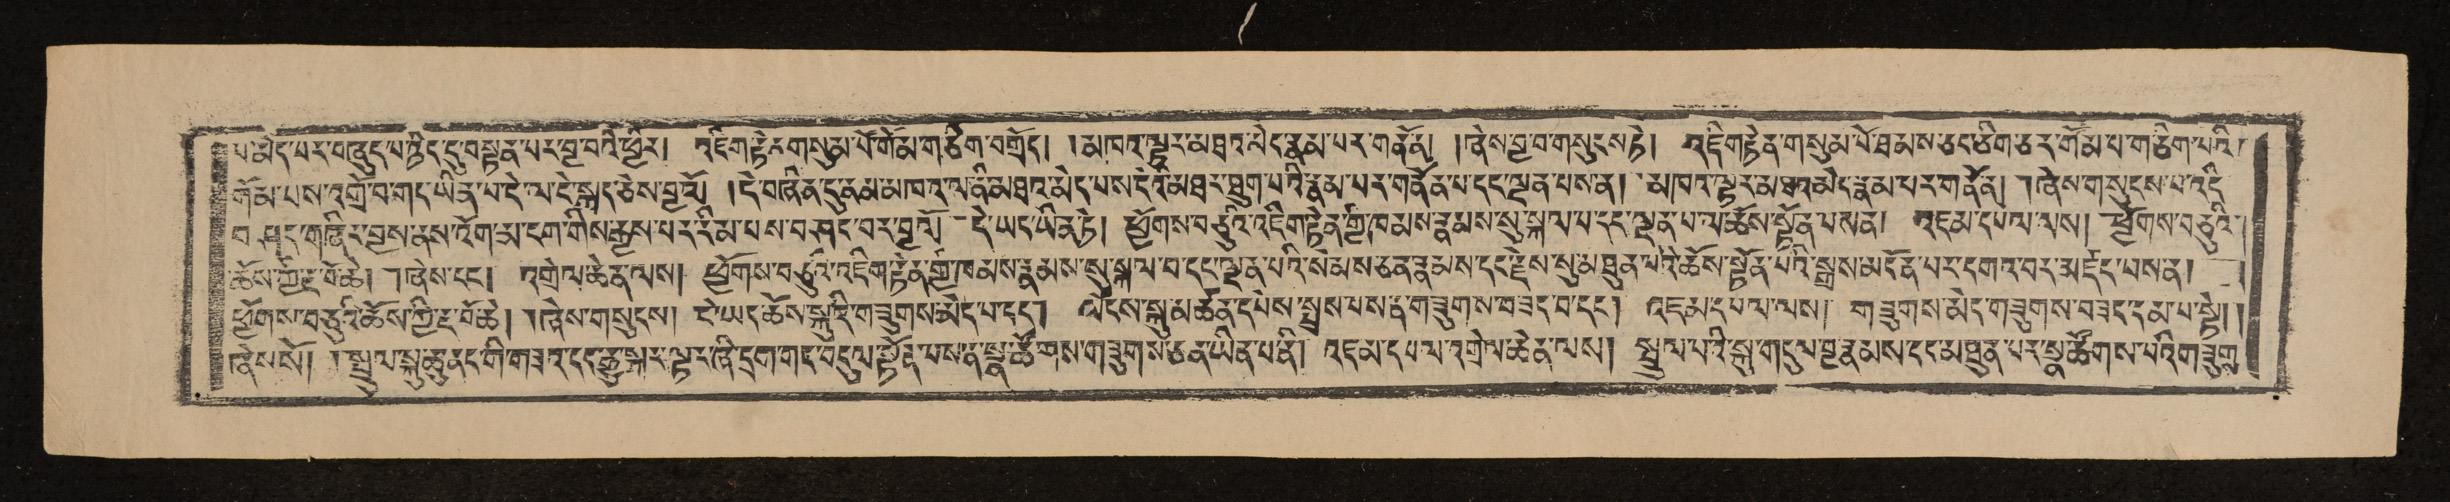བ་མེད་པར་བཞུད་པ་ཉིད་དུ་བསྟན་པར་བྱ་བའི་ཕྱིར། འཇིག་རྟེན་གསུམ་པོ་གོམ་གཅིག་བགྲོད། །མཁའ་ལྟར་མཐའ་མེད་རྣམ་པར་གནོན། །ཞེས་བྱ་བ་གསུངས་ཏེ། འཇིག་རྟེན་གསུམ་པོ་ཐམས་ཅད་ཅིག་ཅར་གོམ་པ་གཅིག་པའི་
གོམ་པས་འགྲོ་བ་གང་ཡིན་པ་དེ་ལ་དེ་སྐད་ཅེས་བྱའོ། །དེ་བཞིན་དུ་ནམ་མཁའ་ལ་ནི་མཐའ་མེད་པས་དེའི་མཐར་ཐུག་པའི་རྣམ་པར་གནོན་པ་དང་ལྡན་པས་ན། མཁའ་ལྟར་མཐའ་མེད་རྣམ་པར་གནོན། །ཞེས་གསུངས་པ་འདི་
བཤད་གཞིར་བྱས་ནས་འོག་མ་དག་གིས་རྒྱས་པར་རིམ་པས་བཤད་པར་བྱའོ། །དེ་ཡང་ཡིན་ཏེ། ཕྱོགས་བཅུའི་འཇིག་རྟེན་གྱི་ཁམས་རྣམས་སུ་སྐལ་པ་དང་ལྡན་པ་ལ་ཆོས་སྟོན་པས་ན། འཇམ་དཔལ་ལས། ཕྱོགས་བཅུའི་
ཆོས་ཀྱི་རྔ་བོ་ཆེ། །ཞེས་དང་། འགྲེལ་ཆེན་ལས། ཕྱོགས་བཅུའི་འཇིག་རྟེན་གྱི་ཁམས་རྣམས་སུ་སྐལ་བ་དང་ལྡན་པའི་སེམས་ཅན་རྣམས་དང་རྗེས་སུ་མཐུན་པའི་ཆོས་སྟོན་པའི་སྒྲས་མངོན་པར་དགའ་བར་མཛད་པས་ན།
ཕྱོགས་བཅུའི་ཆོས་ཀྱི་རྔ་བོ་ཆེ། །ཞེས་གསུངས། དེ་ཡང་ཆོས་སྐུའི་གཟུགས་མེད་པ་དང་། ལོངས་སྐུ་མཚན་དཔེས་སྤྲས་པས་ན་གཟུགས་བཟང་བ་དང་། འཇམ་དཔལ་ལས། གཟུགས་མེད་གཟུགས་བཟང་དམ་པ་སྟེ། །
ཞེས་སོ། །སྤྲུལ་སྐུ་ཆུ་ནང་གི་གཟའ་དང་རྒྱུ་སྐར་ལྟར་ཞི་དྲག་གང་འདུལ་སྟོན་པས་ན་སྣ་ཚོགས་གཟུགས་ཅན་ཡིན་པ་ནི། འཇམ་དཔལ་འགྲེལ་ཆེན་ལས། སྤྲུལ་པའི་སྐུ་གདུལ་བྱ་རྣམས་དང་མཐུན་པར་སྣ་ཚོགས་པའི་གཟུགས་